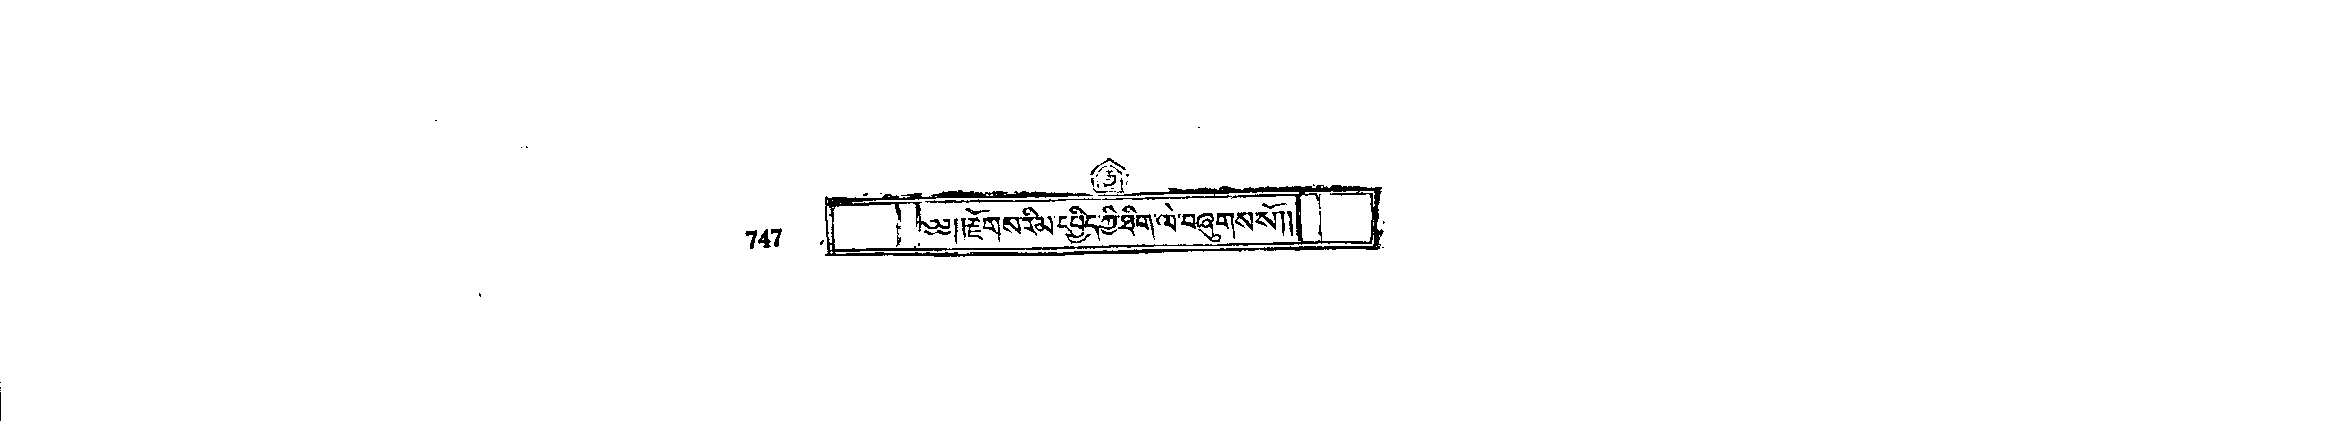༼རྒྱ༽ ༄༅། །རྫོགས་རིམ་དཔྱིད་ཀྱི་ཐིག་ལེ་བཞུགས་སོ། །